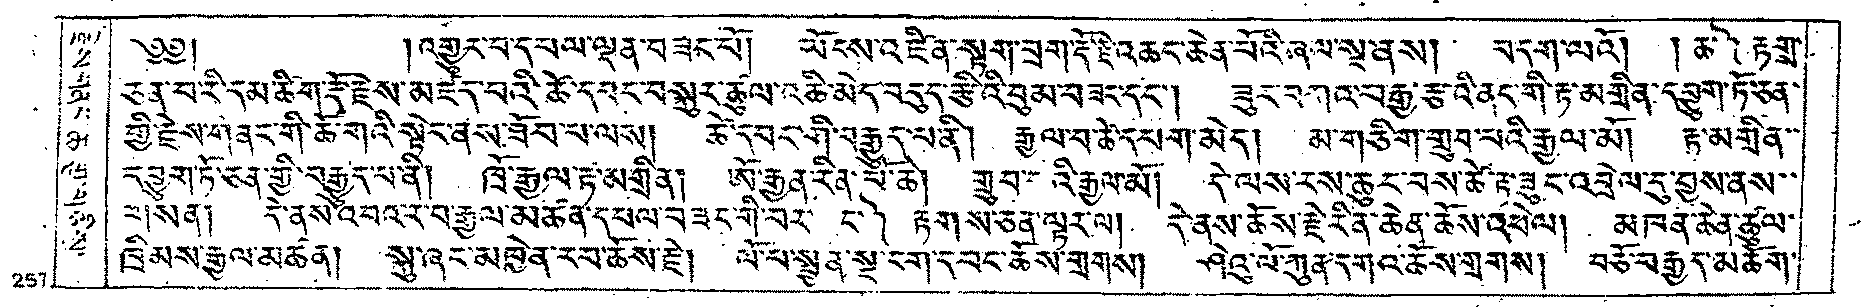༄༅། །འགྱུར་བ་དཔལ་ལྡན་བཟང་པོ། ཡོངས་འཛིན་སྟག་བྲག་རྡོ་རྗེ་འཆང་ཆེན་པོའི་ཞལ་སྔ་ནས། བདག་ལའོ། །ཆ྄་རྟགས་
ཅན་བ་རི་དམ་ཚིག་རྡོ་རྗེས་མཛད་པའི་ཚེ་དབང་བསྐུར་ཚུལ་འཆི་མེད་བདུད་རྩིའི་བུམ་བཟང་དང་། ཟུར་བཀའ་བརྒྱ་རྩའི་ནང་གི་རྟ་མགྲིན་དབྱུག་ཏོ་ཅན་
གྱི་རྗེས་གནང་གི་ཆོ་གའི་སྟེང་ནས་ཐོབ་པ་ལས། ཚེ་དབང་གི་བརྒྱུད་པ་ནི། རྒྱལ་བ་ཚེ་དཔག་མེད། མ་གཅིག་གྲུབ་པའི་རྒྱལ་མོ། རྟ་མགྲིན་
དབྱུག་ཏོ་ཅན་གྱི་བརྒྱུད་པ་ནི། ཁྲོ་རྒྱལ་རྟ་མགྲིན། ཨོ་རྒྱན་རིན་པོ་ཆེ། གྲུབ་པའི་རྒྱལ་མོ། དེ་ལས་རས་ཆུང་བས་ཚེ་རྟ་ཟུང་འབྲེལ་དུ་བྱས་ནས་
གསན། དེ་ནས་འབའ་ར་བ་རྒྱལ་མཚན་དཔལ་བཟང་གི་བར་ང྄་རྟགས་ཅན་ལྟར་ལ། དེ་ནས་ཆོས་རྗེ་རིན་ཆེན་ཆོས་འཕེལ། མཁན་ཆེན་ཚུལ་
ཁྲིམས་རྒྱལ་མཚན། སྐུ་ཞང་མཁྱེན་རབ་ཆོས་རྗེ། ལོ་པ་སྤྱན་སྔ་ངག་དབང་ཆོས་གྲགས། ཤེའུ་ལོ་ཀུན་དགའ་ཆོས་གྲགས། བཅོ་བརྒྱད་མཆོག་